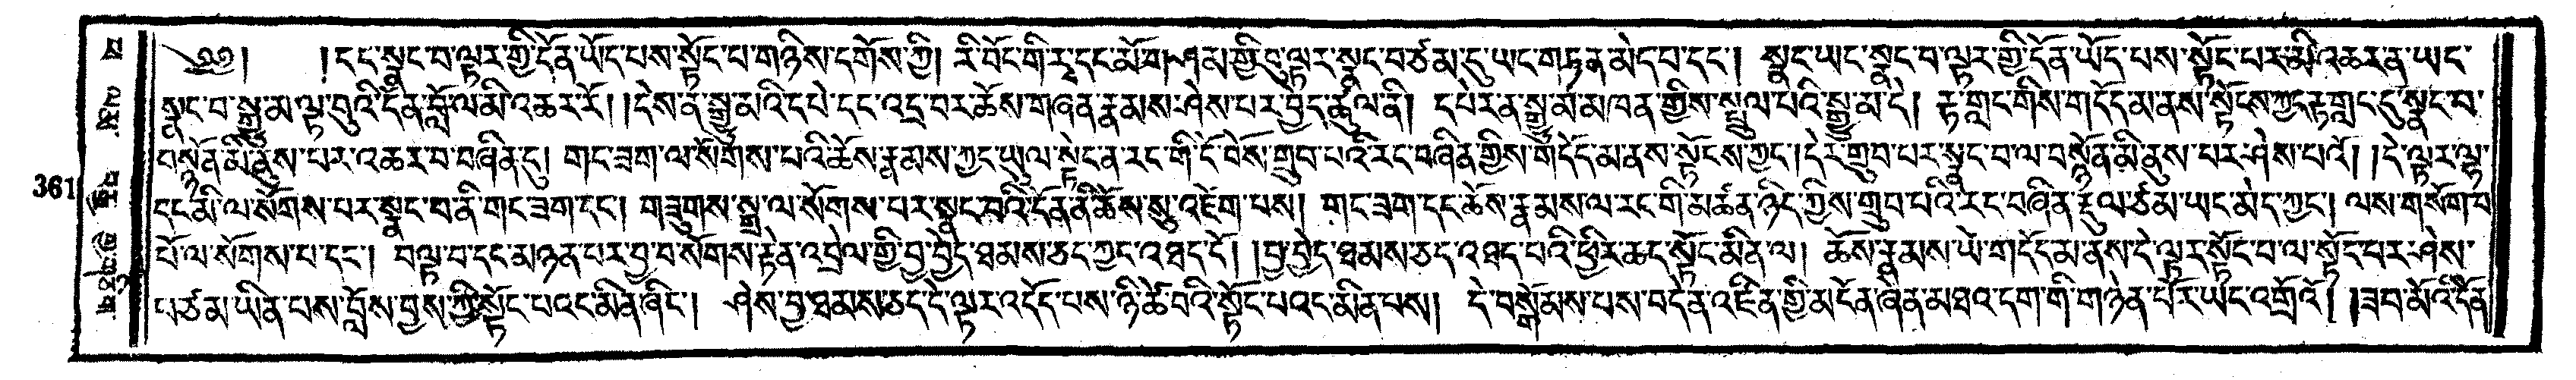༄༅། །དང་སྣང་བ་ལྟར་གྱི་དོན་ཡོད་པས་སྟོང་པ་གཉིས་དགོས་ཀྱི། རི་བོང་གི་རྭ་དང་མོ་གཤམ་གྱི་བུ་ལྟར་སྣང་བ་ཙམ་དུ་ཡང་གཏན་མེད་པ་དང་། སྣང་ཡང་སྣང་བ་ལྟར་གྱི་དོན་ཡོད་པས་སྟོང་པར་མི་འཆར་ན་ཡང་
སྣང་བ་སྒྱུ་མ་ལྟ་བུའི་དོན་བློ་ལ་མི་འཆར་རོ། །དེས་ན་སྒྱུ་མའི་དཔེ་དང་འདྲ་བར་ཆོས་གཞན་རྣམས་ཤེས་པར་བྱད་ཚུལ་ནི། དཔེར་ན་སྒྱུ་མ་མཁན་གྱིས་སྤྲུལ་པའི་སྒྱུ་མ་དེ། རྟ་གླང་གིས་གདོད་མ་ནས་སྟོངས་ཀྱང་རྟ་གླང་དུ་སྣང་བ་
བསྙོན་མི་ནུས་པར་འཆར་བ་བཞིན་དུ། གང་ཟག་ལ་སོགས་པའི་ཆོས་རྣམས་ཀྱང་ཡུལ་སྟེང་ན་རང་གི་ངོ་བོས་གྲུབ་པའི་རང་བཞིན་གྱིས་གདོད་མ་ནས་སྟོངས་ཀྱང་། དེར་གྲུབ་པར་སྣང་བ་ལ་བསྙོན་མི་ནུས་པར་ཤེས་པའོ། །དེ་ལྟར་ལྷ་
དང་མི་ལ་སོགས་པར་སྣང་བ་ནི་གང་ཟག་དང་། གཟུགས་སྒྲ་ལ་སོགས་པར་སྣང་བའི་དོན་ནི་ཆོས་སུ་འཇོག་པས། གང་ཟག་དང་ཆོས་རྣམས་ལ་རང་གི་མཚན་ཉིད་ཀྱིས་གྲུབ་པའི་རང་བཞིན་རྡུལ་ཙམ་ཡང་མེད་ཀྱང་། ལས་གསོག་པ་
པོ་ལ་སོགས་པ་དང་། བལྟ་བ་དང་མཉན་པར་བྱ་བ་སོགས་རྟེན་འབྲེལ་གྱི་བྱ་བྱེད་ཐམས་ཅད་ཀྱང་འཐད་དོ། །བྱ་བྱེད་ཐམས་ཅད་འཐད་པའི་ཕྱིར་ཆད་སྟོང་མིན་ལ། ཆོས་རྣམས་ཡེ་གདོད་མ་ནས་དེ་ལྟར་སྟོང་བ་ལ་སྟོང་བར་ཤེས་
པ་ཙམ་ཡིན་པས་བློས་བྱས་ཀྱི་སྟོང་བའང་མིན་ཞིང་། ཤེས་བྱ་ཐམས་ཅད་དེ་ལྟར་འདོད་པས་ཉི་ཚེ་བའི་སྟོང་བའང་མིན་པས། དེ་བསྒོམས་པས་བདེན་འཛིན་གྱི་མངོན་ཞེན་མཐའ་དག་གི་གཉེན་པོར་ཡང་འགྲོའོ། །ཟབ་མོའི་དོན་